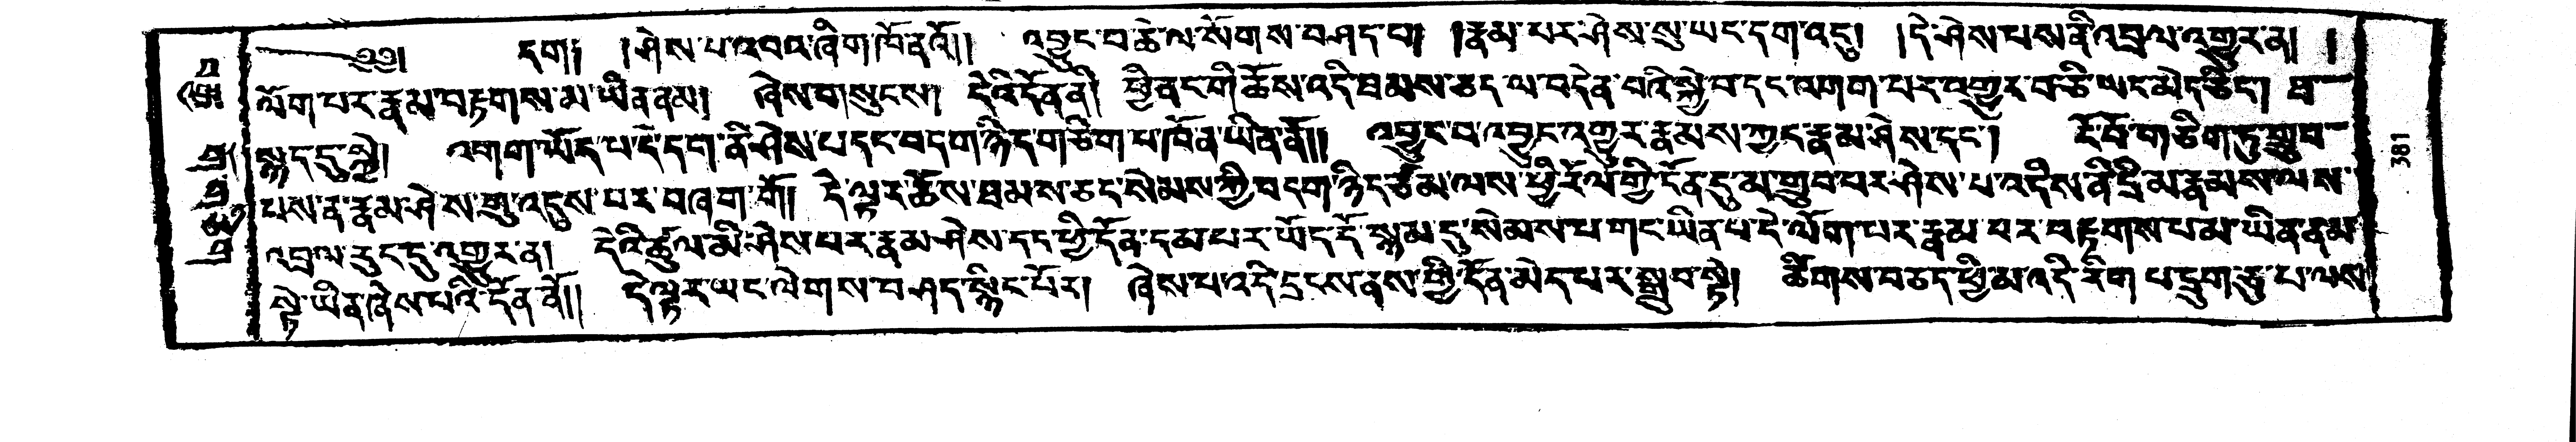༄༅། །དག །ཤེས་པ་འབའ་ཞིག་ཁོ་ནའོ། །འབྱུང་བ་ཆེ་ལ་སོགས་བཤད་པ། །རྣམ་པར་ཤེས་སུ་ཡང་དག་འདུ། །དེ་ཤེས་པས་ནི་འབྲལ་འགྱུར་ན། །
ལོག་པར་རྣམ་བརྟགས་མ་ཡིན་ནམ། ཞེས་གསུངས། དེའི་དོན་ནི། ཕྱི་ནང་གི་ཆོས་འདི་ཐམས་ཅད་ལ་བདེན་པའི་སྐྱེ་བ་དང་འགག་པར་འགྱུར་པ་ཅི་ཡང་མེད་ཅིང་། ཐ་
སྙད་དུ་སྐྱེ། འགག་ཡོད་པ་དེ་དག་ནི་ཤེས་པ་དང་བདག་ཉིད་གཅིག་པ་ཁོ་ན་ཡིན་ནོ། །འབྱུང་བ་འབྱུང་འགྱུར་རྣམས་ཀྱང་རྣམ་ཤེས་དང་། ངོ་བོ་གཅིག་ཏུ་གྲུབ་
པས་ན་རྣམ་ཤེས་གུ་འདུས་པར་བཞག་གོ །དེ་ལྟར་ཆོས་ཐམས་ཅད་སེམས་ཀྱི་བདག་ཉིད་ཙམ་ལས་ཕྱི་རོལ་གྱི་དོན་དུ་མ་གྲུབ་པར་ཤེས་པ་འདིས་ནི་དྲི་མ་རྣམས་ལས་
འབྲལ་རུང་དུ་འགྱུར་ན། དེའི་ཚུལ་མི་ཤེས་པར་རྣམ་ཤེས་དང་ཕྱི་དོན་དམ་པར་ཡོད་དོ་སྙམ་དུ་སེམས་པ་གང་ཡིན་པ་དེ་ལོག་པར་རྣམ་པར་བརྟགས་པ་མ་ཡིན་ནམ་
སྟེ་ཡིན་ཞེས་པའི་དོན་ནོ། །དེ་ལྟར་ཡང་ལེགས་བཤད་སྙིང་པོར། ཞེས་པ་འདི་དྲངས་ནས་གྱི་དོན་མེད་པར་སྒྲུབ་སྟེ། ཚིགས་བཅད་ཕྱི་མ་འདི་རིག་པ་དྲུག་ཅུ་པ་ལས་